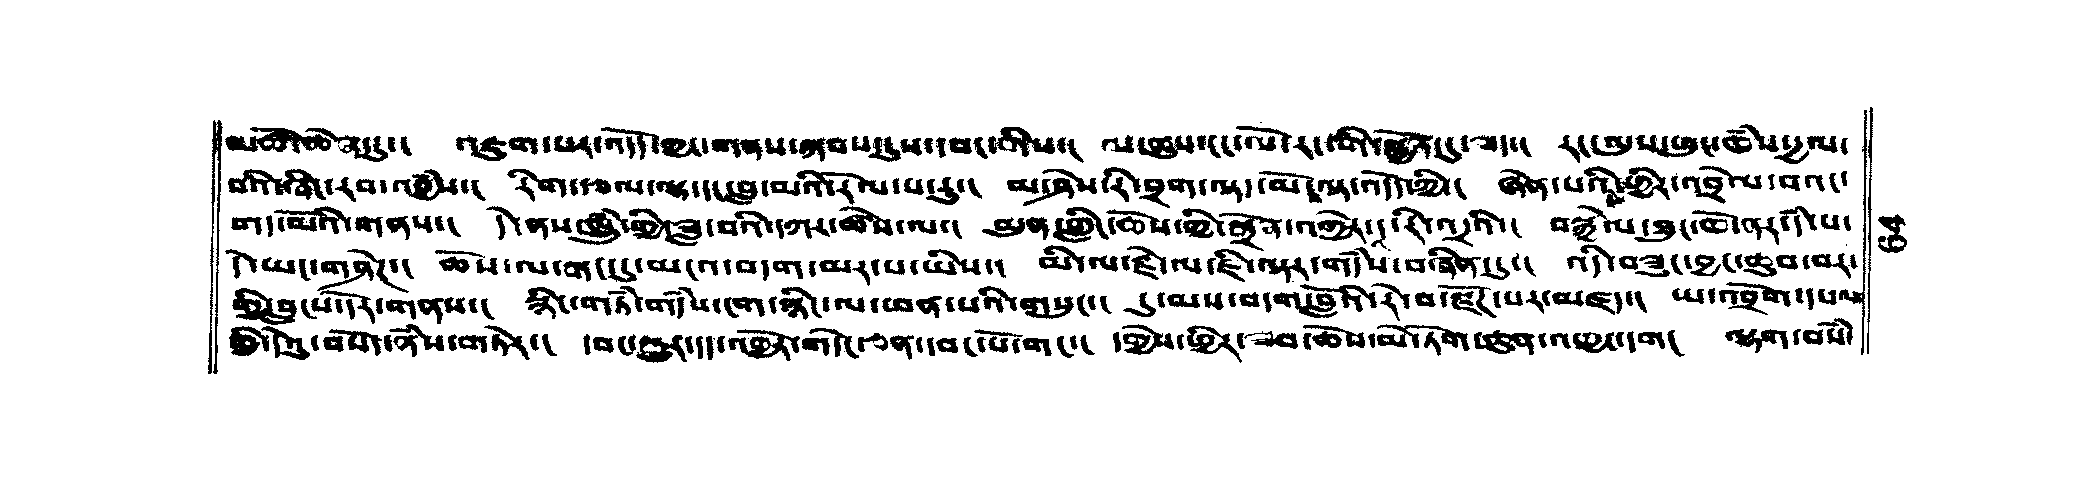མཚོ་ཆེན་དུ འཇུག་པར་འདོད་ཀྱང་གནས་སྐབས་དུས་དབང་གིས། །མ་ནུས་ངང་མོ་རང་གི་སྐྱོན་དུ་ཟད། །རང་ལུས་ཕུང་ཁམས་རྒྱལ་
བའི་ཞིང་རབ་འབྱམས། །རིག་རྩལ་ལྷ་དང་བླ་མའི་རོལ་པ་རུ། །མ་ཤེས་རི་བྲག་ལྟད་མོ་བལྟ་འདོད་ཀྱི། །ཞེན་པའི་རྗེས་ཕྱིར་འབྲེལ་བའང་
གད་མོའི་གནས། །དེ་ནས་ཁྲུམས་གྱི་ཟླ་བའི་དཀར་ཚེས་ལ། །མུན་གླིང་ཆོས་ཀྱི་སྒྲོན་འཁྱེར་དཱ་རི་འདྲའི། །བསྐྱེལ་ཐུང་ཁོ་ནར་དམ་པ་
དེ་ཡང་གཤེགས། །ཆོས་ལ་སྒང་དུ་མངའ་བདག་མར་པ་ཡིས། །མི་ལ་རྗེ་ལ་ཇི་ལྟར་གདམས་བཞིན་དུ། །འདི་བཟུང་བྱང་ཆུབ་བར་
གྱི་བླང་དོར་གནས། །སྙིང་གཏམ་གདམས་ངག་སྙིང་ལ་ཕན་པའི་གསུང་། །དུ་མས་བདག་བློའི་རེ་བ་རྫོགས་པར་མཛད། །ཡར་འབྲོག་དཔལ་
གྱི་དེའུ་བསོད་ནམས་གཏེར། །དབང་སྒྱུར་དད་འབྱོར་གདེངས་ཅན་དབང་པོ་གང་། །དགྱེས་ཕྱིར་ཟབ་ཆོས་མེ་ཏོག་ཆུ་འཕྱང་དག ལྷག་བསམ་